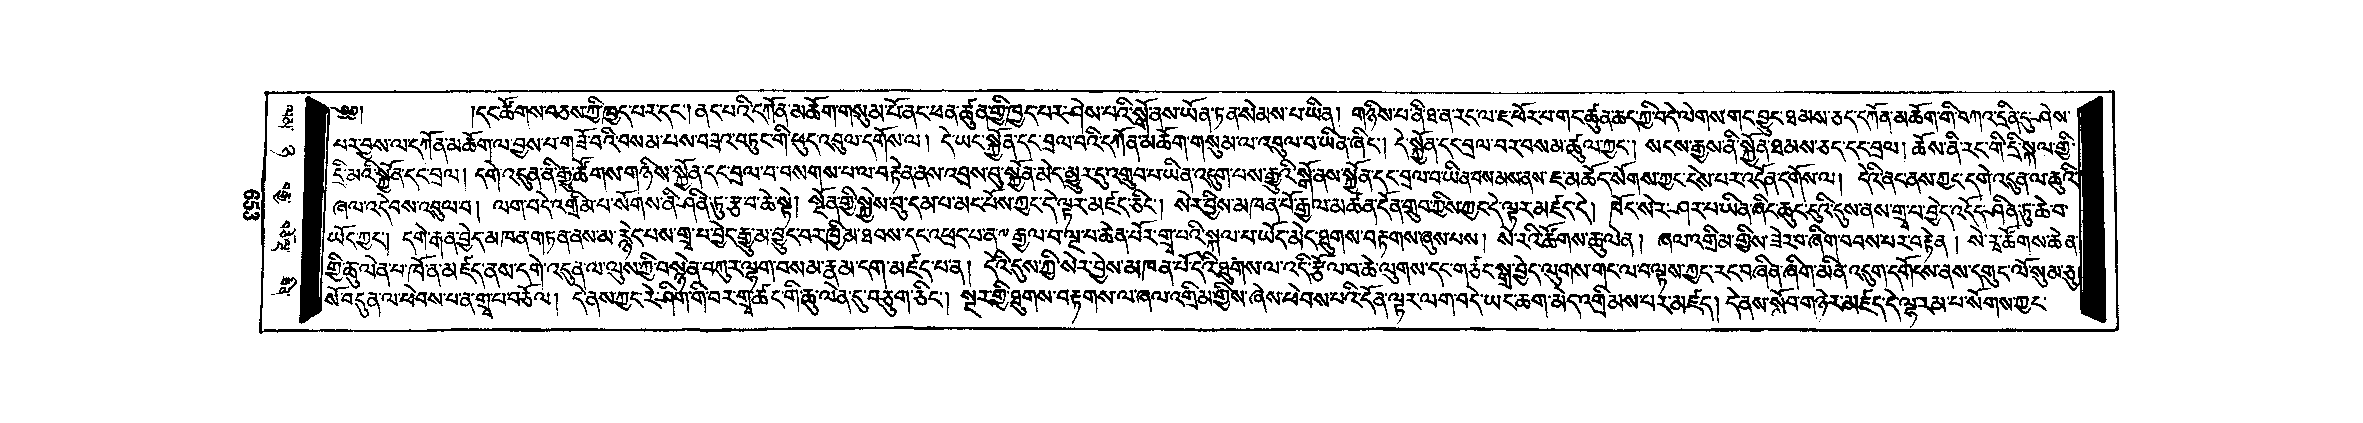༄༅། །དང་ཚོགས་བཅས་ཀྱི་ཁྱད་པར་དང་། ནང་པའི་དཀོན་མཆོག་གསུམ་པོ་ནང་ཕན་ཚུན་གྱི་ཁྱད་པར་ཤེས་པའི་སྒོ་ནས་ཡོན་ཏན་སེམས་པ་ཡིན། གཉིས་པ་ནི་ཐ་ན་རང་ལ་ཇ་ཕོར་པ་གང་ཚུན་ཆད་ཀྱི་བདེ་ལེགས་གང་བྱུང་ཐམས་ཅད་དཀོན་མཆོག་གི་བཀའ་དྲིན་དུ་ཤེས་
པར་བྱས་ལ་དཀོན་མཆོག་ལ་བྱས་པ་གཟོ་བའི་བསམ་པས་བཟའ་བཏུང་གི་ཕུད་འབུལ་དགོས་ལ། དེ་ཡང་སྐྱོན་དང་བྲལ་བའི་དཀོན་མཆོག་གསུམ་ལ་འབུལ་བ་ཡིན་ཞིང་། དེ་སྐྱོན་དང་བྲལ་བར་བསམ་ཚུལ་ཀྱང་། སངས་རྒྱས་ནི་སྐྱོན་ཐམས་ཅད་དང་བྲལ། ཆོས་ནི་རང་གི་དྲི་སྐལ་གྱི་
དྲི་མའི་སྐྱོན་དང་བྲལ། དགེ་འདུན་ནི་རྒྱུ་ཚོགས་གཉིས་སྐྱོན་དང་བྲལ་བ་བསགས་པ་ལ་བརྟེན་ནས་འབྲས་བུ་སྐྱོན་མེད་མྱུར་དུ་འགྲུབ་པ་ཡིན་འདུག་པས་རྒྱུའི་སྒོ་ནས་སྐྱོན་དང་བྲལ་བ་ཡིན་བསམས་ནས་ཇ་མཆོད་སོགས་ཀྱང་ངེས་པར་འདོན་དགོས་ལ། དེའི་ནང་ནས་ཀྱང་དགེ་འདུན་ལ་ཆུའི་
ཞལ་འདེབས་འབུལ་བ། ལག་བདེ་འགྲིམ་པ་སོགས་ནི་ཤིན་ཏུ་རྩ་བ་ཆེ་སྟེ། སྔོན་གྱི་སྐྱེས་བུ་དམ་པ་མང་པོས་ཀྱང་དེ་ལྟར་མཛད་ཅིང་། སེར་བྱིས་མཁན་པོ་རྒྱལ་མཚན་དོན་གྲུབ་ཀྱིས་ཀྱང་དེ་ལྟར་མཛད་དེ། ཁོང་སེར་ཤར་པ་ཡིན་ཞིང་ཆུང་ངུའི་དུས་ནས་གྲྭ་པ་བྱེད་འདོད་ཤིན་ཏུ་ཆེ་བ་
ཡོད་ཀྱང་། དགེ་རྒན་བྱེད་མཁན་གཏན་ནས་མ་རྙེད་པས་གྲྭ་པ་བྱེད་རྒྱུ་མ་བྱུང་བར་ཁྱིམ་ཐབས་དང་འཕྲད་པ་ན ༧་རྒྱལ་བ་ལྔ་པ་ཆེན་པོར་གྲྭ་པའི་སྐལ་པ་ཡོད་མེད་ཐུགས་བརྟགས་ཞུས་པས། སེ་རའི་ཚོགས་ཆུ་ལེན། ཞལ་འགྲིམ་གྱིས་ཟེར་བ་ཞིག་བབས་པར་བརྟེན། སེ་རྭ་ཚོགས་ཆེན་
གྱི་ཆུ་ལེན་པ་ཁོ་ན་མཛད་ནས་དགེ་འདུན་ལ་ལུས་ཀྱི་བསྙེན་བཀུར་ལྷག་བསམ་རྣམ་དག་མཛད་པ་ན། དེའི་དུས་ཀྱི་སེར་བྱེས་མཁན་པོ་དེའི་ཐུགས་ལ་འདི་རྩོལ་བ་ཆེ་ལུགས་དང་གཙང་སྒྲ་བྱེད་ལུགས་གང་ལ་བལྟས་ཀྱང་རང་བཞིན་ཞིག་མིན་འདུག་དགོངས་ནས་དགུང་ལོ་སུམ་ཅུ།
སོ་བདུན་ལ་ཕེབས་པ་ན་གྲྭ་པ་བཅོལ། དེ་ནས་ཀྱང་རེ་ཤིག་གི་བར་གྲྭ་ཚང་གི་ཆུ་ལེན་དུ་བཅུག་ཅིང་། སྔར་གྱི་ཐུགས་བརྟགས་ལ་ཞལ་འགྲིམ་གྱིས་ཞེས་ཕེབས་པའི་དོན་ལྟར་ལག་བདེ་ཡང་ཆག་མེད་འགྲིམས་པར་མཛད། དེ་ནས་སློབ་གཉེར་མཛད་དེ་ལྷ་རམ་པ་སོགས་ཀྱང་